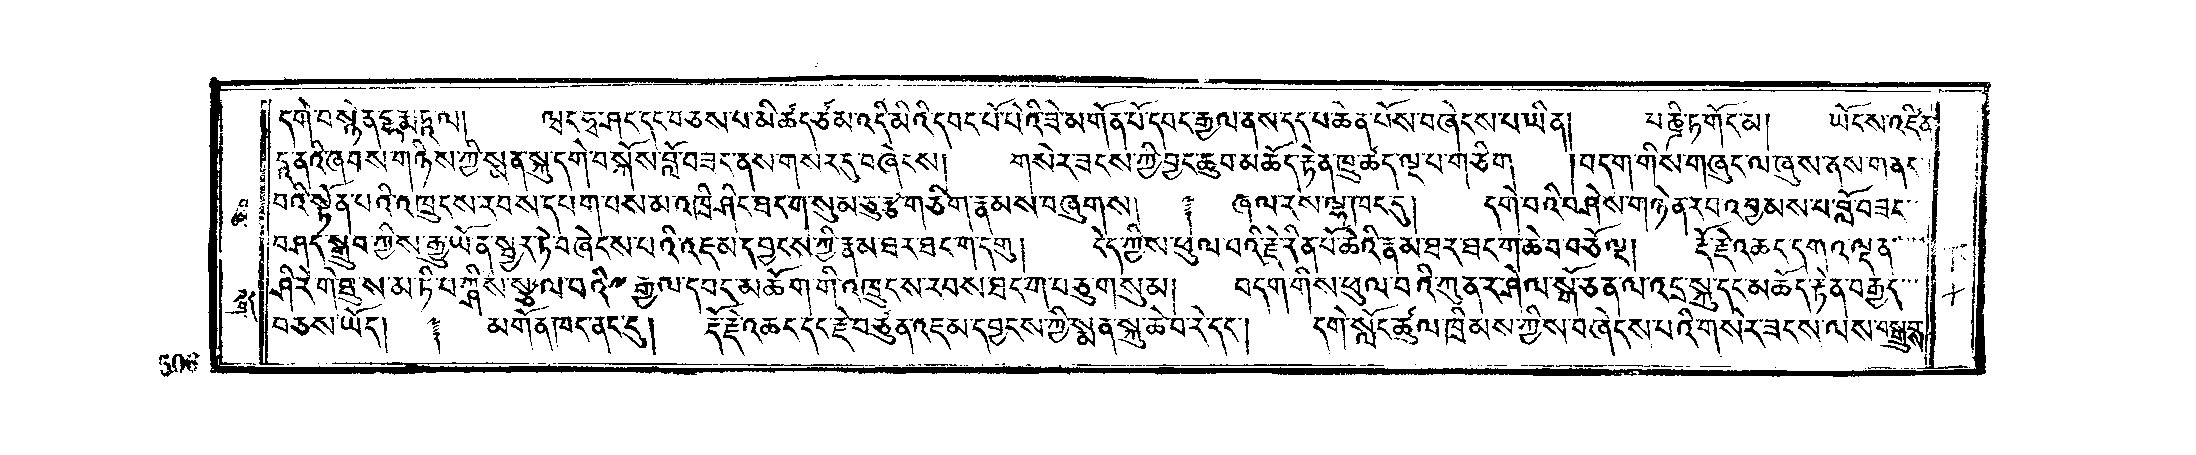དགེ་བསྙེན་དྷརྨ་ཏཱ་ལ། ཝང་ཧྭ་ཤང་དང་བཅས་པ་མི་ཚད་ཙམ་འདི་མིའི་དབང་པོ་པེའི་ཟེ་མགོན་པོ་དབང་རྒྱལ་ནས་དད་པ་ཆེན་པོས་བཞེངས་པ་ཡིན། པཎྜི་ཏ་གོང་མ། ཡོངས་འཛིན་
དཱ་ནའི་ཞབས་གཉིས་ཀྱི་སྨན་སྐུ་དགེ་བསྐོས་བློ་བཟང་ནས་གསར་དུ་བཞེངས། གསེར་ཟངས་ཀྱི་བྱང་ཆུབ་མཆོད་རྟེན་ཁྲུ་ཚད་ལྔ་པ་གཅིག །བདག་གིས་གཞུང་ལ་ཞུས་ནས་གནང་
བའི་སྟོན་པའི་འཁྲུངས་རབས་དཔག་བསམ་འཁྲི་ཤིང་ཐང་གསུམ་ཅུ་རྩ་གཅིག་རྣམས་བཞུགས། ༈ ཞལ་རས་ལྷ་ཁང་དུ། དགེ་བའི་བཤེས་གཉེན་རབ་འབྱམས་པ་བློ་བཟང་
བཤད་སྒྲུབ་ཀྱིས་རྒྱུ་ཡོན་སྦྱར་ཏེ་བཞེངས་པའི་འཇམ་དབྱངས་ཀྱི་རྣམ་ཐར་ཐང་ག་དགུ། དེད་ཀྱིས་ཕུལ་བའི་རྗེ་རིན་པོ་ཆེའི་རྣམ་ཐར་ཐང་ག་ཆེ་བ་བཅོ་ལྔ། རྡོ་རྗེ་འཆང་དགའ་ལྡན་
ཤི་རེ་གེ་ཐུ་ས་མ་ཏི་པཀྴིས་སྩལ་བའི ༧་རྒྱལ་དབང་མཆོག་གི་འཁྲུངས་རབས་ཐང་ག་བཅུ་གསུམ། བདག་གིས་ཕུལ་བའི་ཀུན་ར་ཤེལ་སྒོ་ཅན་ལ་འདྲ་སྐུ་དང་མཆོད་རྟེན་བརྒྱད་
བཅས་ཡོད། ༈ མགོན་ཁང་ནང་དུ། རྡོ་རྗེ་འཆང་དང་རྗེ་བཙུན་འཇམ་དབྱངས་ཀྱི་སྨན་སྐུ་ཆེ་བ་རེ་དང་། དགེ་སློང་ཚུལ་ཁྲིམས་ཀྱིས་བཞེངས་པའི་གསེར་ཟངས་ལས་བསྒྲུབས་